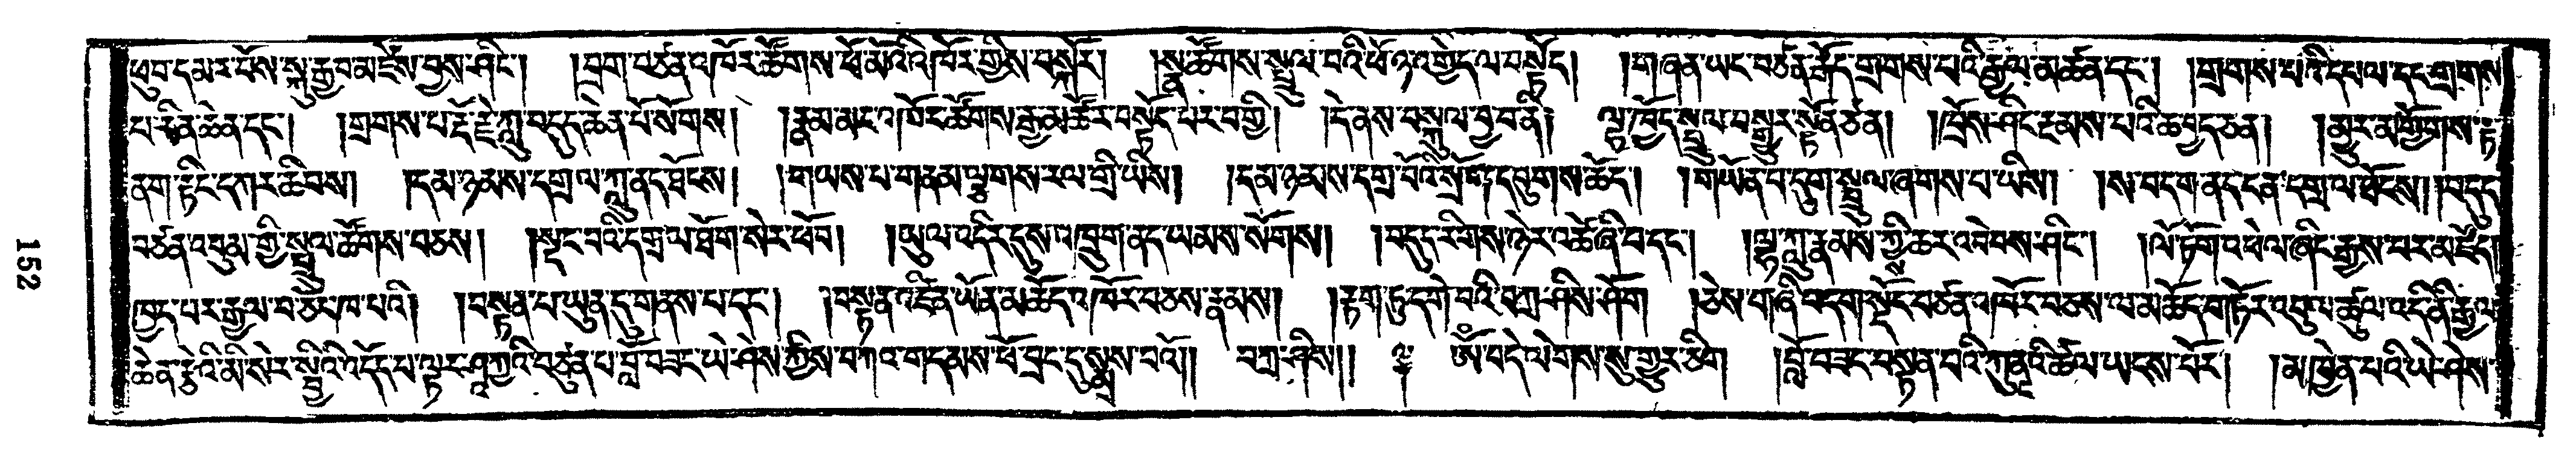ཕུབ་དམར་པོས་སྐུ་རྒྱབ་མཛེས་བྱས་ཤིང་། །བྲག་བཙན་འཁོར་ཚོགས་ཕོ་མོའི་འཁོར་གྱིས་བསྐོར། །སྣ་ཚོགས་སྤྲུལ་པའི་ཕོ་ཉ་འགྱེད་ལ་བསྟོད། །གཞན་ཡང་བཙན་རྒོད་གྲགས་པའི་རྒྱལ་མཚན་དང་། །གྲགས་པའི་དཔལ་དང་གྲགས་
པ་རིན་ཆེན་དང་། །གྲགས་པ་རྡོ་རྗེ་ཀླུ་བདུད་ཆེན་པོ་སོགས། །རྣམ་མང་འཁོར་ཚོགས་རྒྱ་མཚོར་བསྟོད་པར་བགྱི། །དེ་ནས་བསྐུལ་བྱ་བ་ནི། ལྷ་ཁྱོད་སྤྲུལ་བསྒྱུར་སྟོན་ཙན། །ཁྲོས་ཤིང་རྔམས་པའི་ཆ་བྱད་ཅན། །མྱུར་མགྱོགས་རྟ་
ནག་རྟིང་དཀར་ཆིབས། །དམ་ཉམས་དགྲ་ལ་ཀླུ་ནད་ཐོངས། །གཡས་པ་གནམ་ལྕགས་རལ་གྲི་ཡིས། །དམ་ཉམས་དགྲ་བོའི་སྲོག་དབུགས་ཆོད། །གཡོན་པ་དུག་སྦྲུལ་ཞགས་པ་ཡིས། །ས་བདག་ནད་ངན་དགྲ་ལ་ཐོངས། །བདུད་
བཙན་འབུམ་གྱི་སྤྲུལ་ཚོགས་བཅས། །སྡང་བའི་དགྲ་ལ་ཐོག་སེར་ཕོབ། །ཡུལ་འདིར་དུས་འཁྲུག་ནད་ཡམས་སོགས། །བདུད་རིགས་ཉེར་འཚེ་ཞི་བ་དང་། །ལྷ་ཀླུ་རྣམས་ཀྱིས་ཆར་འབེབས་ཤིང་། །ལོ་ཏོག་འཕེལ་ཞིང་རྒྱས་པར་མཛོད།
ཁྱད་པར་རྒྱལ་བ་ཙོང་ཁ་པའི། །བསྟན་པ་ཡུན་དུ་གནས་པ་དང་། །བསྟན་འཛིན་ཡོན་མཆོད་འཁོར་བཅས་རྣམས། །རྟག་ཏུ་དགེ་བའི་བཀྲ་ཤིས་ཤོག །ཅེས་གཞི་བདག་སྡོང་བཙན་འཁོར་བཅས་ལ་མཆོད་གཏོར་འབུལ་ཚུལ་འདི་ནི་རྒྱལ་
ཆེན་རྩེའི་མི་སེར་སྤྱིའི་འདོད་པ་ལྟར་ཤཱཀྱའི་བཙུན་པ་བློ་བཟང་ཡེ་ཤེས་ཀྱིས་བཀའ་གདམས་ཕོ་བྲང་དུ་སྨྲས་པའོ།། བཀྲ་ཤིས།། ༈ ཨོཾ་བདེ་ལེགས་སུ་གྱུར་ཅིག །བློ་བཟང་བསྟན་པའི་ཀུནྡའི་ཚལ་ཡངས་པོར། །མཁྱེན་པའི་ཡེ་ཤེས་